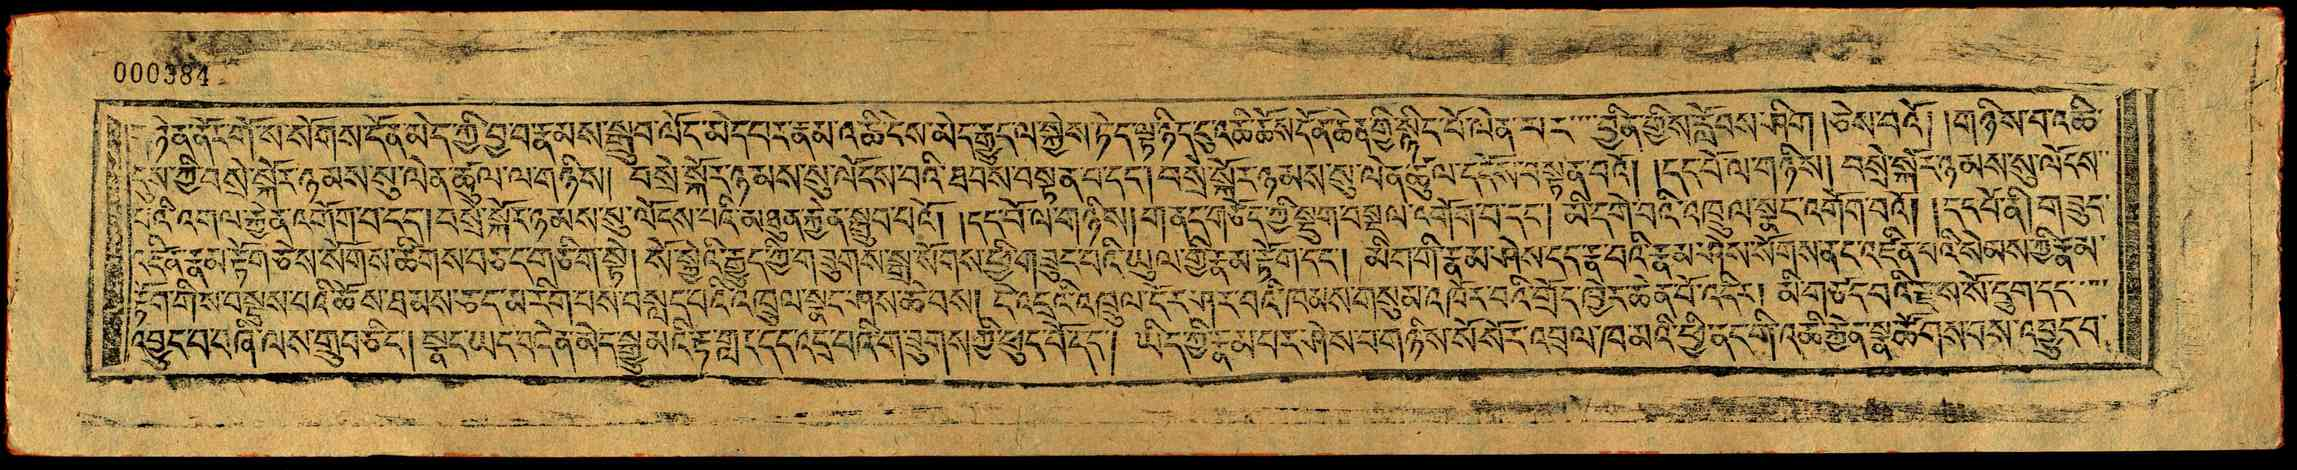གཉེན་ནོར་གོ་ས་སོགས་དོན་མེད་ཀྱི་བྱ་བ་རྣམས་སྒྲུབ་ལོང་མེད་པར་ནམ་འཆི་ངེས་མང་རྒྱུད་ལ་སྐྱེས་ཏེ་ད་ལྟ་ཉིད་དུ་འཆི་ཆོས་དོན་ཆེན་གྱི་སྙིང་པོ་ལེན་པར་བྱིན་གྱིས་རློབས་ཤིག །ཅེས་པའོ། །གཉིས་པ་འཆི་
དུས་ཀྱི་བསྲེ་སྐོར་ཉམས་སུ་ལེན་ཚུལ་ལ་གཉིས། བསྲེ་སྐོར་ཉམས་སུ་ལོངས་པའི་ཐབས་བསྟན་པ་དང་། བསྲེ་སྐོར་ཉམས་སུ་ལེན་ཚུལ་དངོས་བསྟན་པའོ། །དང་པོ་ལ་གཉིས། བསྲེ་སྐོར་ཉམས་སུ་ལོངས་
བའི་འགལ་རྐྱེན་འགོག་པ་དང་། བསྲེ་སྐོར་ཉམས་སུ་ལོངས་པའི་མཐུན་རྐྱེན་སྒྲུབ་པའོ། །དང་པོ་ལ་གཉིས། གནད་གཅོད་ཀྱི་སྡུག་བསྔལ་འགོག་པ་དང་། མི་དགེ་བའི་འཁྲུལ་སྣང་འགོག་པའོ། །དང་པོ་ནི། གཟུང་
འཛིན་རྣམ་རྟོག་ཅེས་སོགས་ཚིགས་བཅད་གཅིག་སྟེ། སོ་སྐྱེའི་རྒྱུད་ཀྱི་གཟུགས་སྒྲ་སོགས་ཕྱི་གཟུང་བའི་ཡུལ་གྱི་རྣམ་རྟོག་དང་། མིག་གི་རྣམ་ཤེས་དང་རྣ་བའི་རྣམ་ཤེས་སོགས་ནང་འཛིན་པའི་སེམས་ཀྱི་རྣམ་
རྟོག་གིས་བསྡུས་པའི་ཆོས་ཐམས་ཅད་མ་རིག་པས་བསླད་པའི་འཁྲུལ་སྣང་ཤས་ཆེ་བས། དེ་འདྲའི་འཁྲུལ་བར་ཤར་བའི་ཁམས་གསུམ་འཁོར་བའི་གྲོང་ཁྱེར་ཆེན་པོ་འདིར། མི་གཙང་བའི་རྫས་སོ་དྲུག་དང་
འབྱུང་བ་བཞི་ལས་གྲུབ་ཅིང་། སྣང་ཡང་བདེན་མེད་སྒྱུ་མའི་རྟ་གླང་དང་འདྲ་བའི་གཟུགས་ཀྱི་ཕུང་པོ་དང་། ཡིད་ཀྱི་རྣམ་པར་ཤེས་པ་གཉིས་སོ་སོར་འབྲལ་ཁ་མའི་ཕྱི་ནང་གི་འཆི་རྐྱེན་སྣ་ཚོགས་བས་འབྱུང་བ་